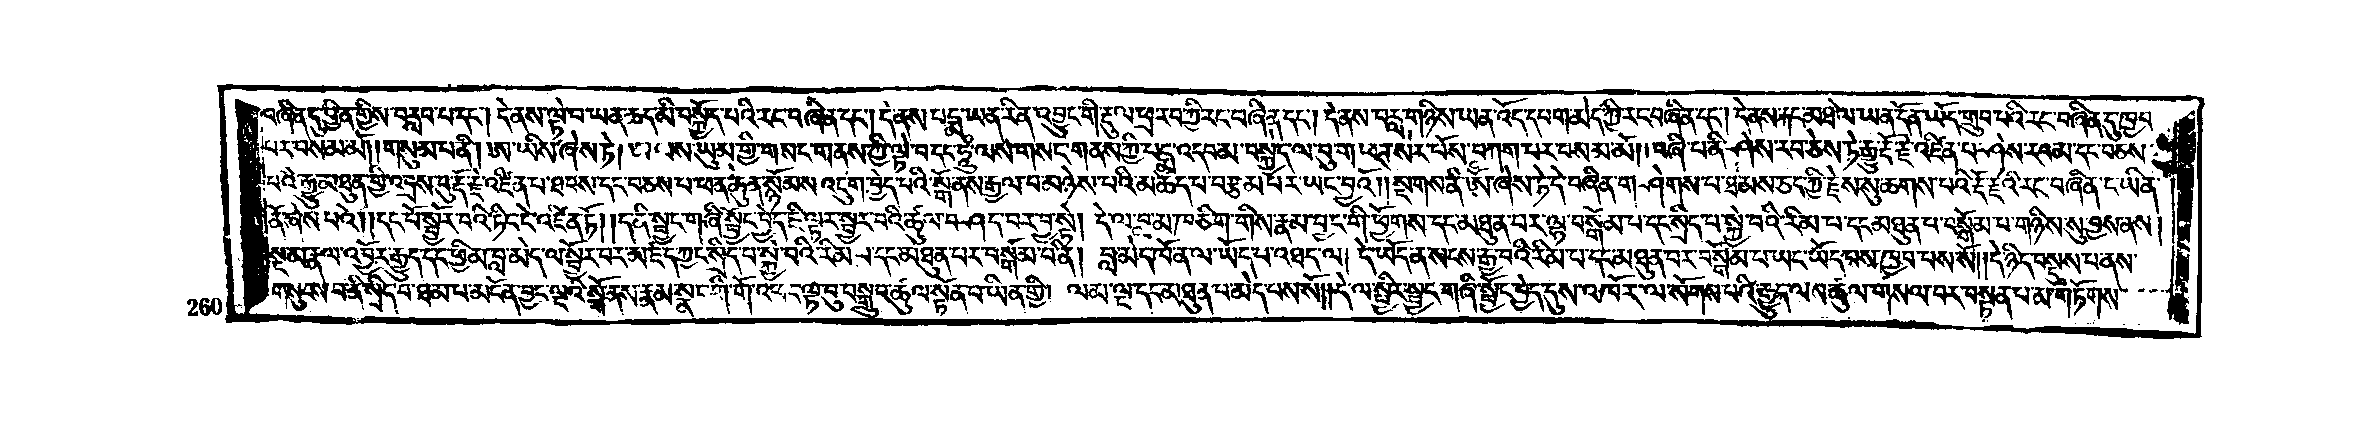བཞིན་དུ་བྱིན་གྱིས་བརླབ་པ་དང་། དེ་ནས་ལྟེ་བ་ཡན་ཆད་མི་བསྐྱོད་པའི་རང་བཞིན་དང་། དེ་ནས་པདམ་ཡན་རིན་འབྱུང་གི་རྡུལ་ཕྲ་རབ་ཀྱི་རང་བཞིན་དང་། དེ་ནས་བྲལ་གཉིས་ཡན་འོད་དཔག་མེད་ཀྱི་རང་བཞིན་དང་། དེ་ནས་རྐང་མཐེལ་ཡན་དོན་ཡོད་གྲུབ་པའི་རང་བཞིན་དུ་ཁྱབ་
པར་བསམ་མོ། །གསུམ་པ་ནི། ཨ་ཡིས་ཞེས་ཏེ། ཨ་ལས་ཡུམ་གྱི་གསང་གནས་ཀྱི་ལྟེ་བ་དང་ཧཱུཾ་ལས་གསང་གནས་ཀྱི་པདམ་འདབ་མ་བསྐྱེད་ལ་བུ་ག་ཕགས་སེར་པོས་བཀག་པར་བསམ་མོ། །བཞི་པ་ནི་ཤེས་རབ་ཅེས་ཏེ་རྒྱུ་རྡོ་རྗེ་འཛིན་པ་ཤེས་རབ་མ་དང་བཅས་
པའི་རྒྱུ་མཐུན་གྱི་འབྲས་བུ་རྡོ་རྗེ་འཛིན་པ་ཐབས་དང་བཅས་པ་ཕན་ཚུན་སྙོམས་འཇུག་བྱེད་པའི་སྒོ་ནས་རྒྱལ་བ་མཉེས་པའི་མཆོད་པ་བརྩམ་པོར་ཡང་བྱའོ། །སྔགས་ནི་ཨོཾ་ཞེས་ཏེ་དེ་བཞིན་གཤེགས་པ་ཐམས་ཅད་ཀྱི་རྗེས་སུ་ཆགས་པའི་རྡོ་རྗེའི་རང་བཞིན་ང་ཡིན་
ནོ་ཞེས་པའོ། །དང་པོ་སྦྱོར་བའི་ཏིང་ངེ་འཛིན་ཏོ། །ད་ནི་སྦྱང་གཞི་སྦྱོང་བྱེད་ཇི་ལྟར་སྦྱར་བའི་ཚུལ་བཤད་པར་བྱ་སྟེ། དེ་ལ་བླ་མ་ཁ་ཅིག་གིས་རྣམ་བྱང་གི་ཕྱོགས་དང་མཐུན་པར་ལྷ་བསྒོམ་པ་དང་སྲིད་པ་སྐྱེ་བའི་རིམ་པ་དང་མཐུན་པ་བསྒོམ་པ་གཉིས་སུ་བྱས་ནས།
སྔ་མ་རྣལ་འབྱོར་རྒྱུད་དང་ཕྱི་མ་བླ་མེད་ལ་སྦྱོར་བར་མཛད་ཀྱང་སྲིད་པ་སྐྱེ་བའི་རིམ་པ་དང་མཐུན་པར་བསྒོམ་པ་ནི། བླ་མེད་ཁོ་ན་ལ་ཡོད་པ་འཐད་ལ། དེ་ཡོད་ན་སངས་རྒྱ་བའི་རིམ་པ་དང་མཐུན་པར་བསྒོམ་པ་ཡང་ཡོད་པས་ཁྱབ་པས་སོ། །དེ་ཉིད་བསྡུས་པ་ནས་
གསུངས་པ་ནི་སྲིད་པ་ཐམ་པ་མངོན་བྱང་ལྔའི་སྒོ་ནས་རྣམ་སྣང་གི་གོ་འཕང་ལྟ་བུ་བསྒྲུབ་ཚུལ་སྟོན་པ་ཡིན་གྱི། ལམ་ལྔ་དང་མཐུན་པ་མེད་པས་སོ། །དེ་ལ་སྤྱིར་སྦྱང་གཞི་སྦྱོང་བྱེད་དུས་འཁོར་ལ་སོགས་པའི་རྒྱུད་ལས་ཚུལ་གསལ་བར་བསྟན་པ་མ་གཏོགས་